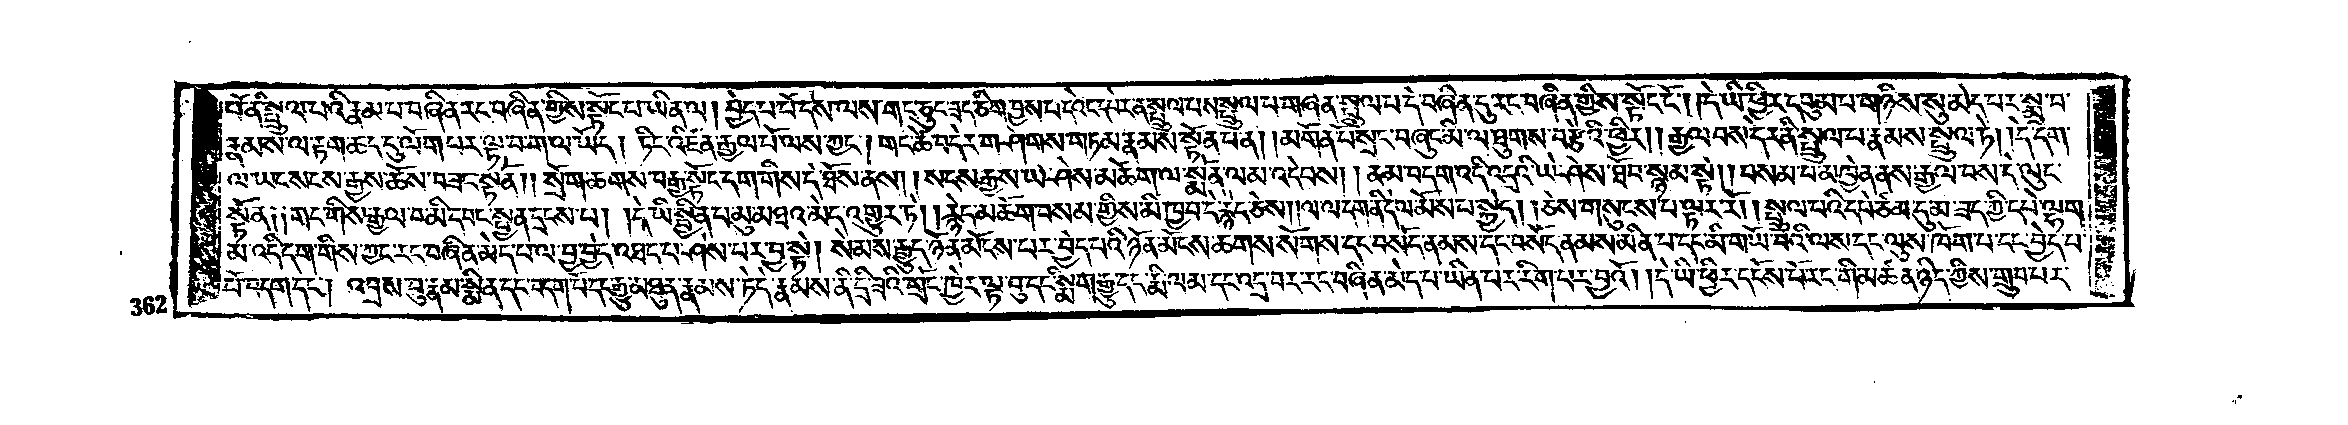པོ་ནི་སྤྲུལ་པའི་རྣམ་པ་བཞིན་རང་བཞིན་གྱིས་སྟོང་པ་ཡིན་ལ། བྱེད་པ་པོ་དེས་ལས་གང་ཅུང་ཟད་ཅིག་བྱས་པ་དེའང་དཔེར་ན་སྤྲུལ་པས་སྤྲུལ་པ་གཞན་སྤྲུལ་པ་དེ་བཞིན་དུ་རང་བཞིན་གྱིས་སྟོང་ངོ། །དེ་ཡི་ཕྱིར་དབུ་མ་པ་གཉིས་སུ་མེད་པར་སྨྲ་བ་
རྣམས་ལ་རྟག་ཆད་དུ་ལོག་པར་ལྟ་བ་ག་ལ་ཡོད། ཏིང་འཛིན་རྒྱལ་པོ་ལས་ཀྱང་། གང་ཚེ་བདེར་གཤེགས་གཏམ་རྣམས་སྟོན་པ་ན། །མགོན་པོ་སྲང་བཞུང་མི་ལ་ཐུགས་བརྩེའི་ཕྱིར། །རྒྱལ་བས་དེར་ནི་སྤྲུལ་པ་རྣམས་སྤྲུལ་ཏེ། །དེ་དག་
ལ་ཡང་སངས་རྒྱས་ཆོས་བཟང་སྟོན། །སྲོག་ཆགས་བརྒྱ་སྟོང་དག་གིས་དེ་ཐོས་ནས། །སངས་རྒྱས་ཡེ་ཤེས་མཆོག་ལ་སྨོན་ལམ་འདེབས། །ནམ་བདག་འདི་འདྲའི་ཡེ་ཤེས་ཐོབ་སྙམ་སྟེ། །བསམ་པ་མཁྱེན་ནས་རྒྱལ་བས་དེ་ལུང་
སྟོན༑ ༑གང་གིས་རྒྱལ་བ་མི་དབང་སྤྱན་དྲངས་པ། །དེ་ཡི་སྦྱིན་པ་མུ་མཐའ་མེད་འགྱུར་ཏེ། །རྙེད་མཆོག་བསམ་གྱིས་མི་ཁྱབ་དེ་རྙེད་ཅེས། །ལ་ལ་དག་ནི་དེ་ལ་མོས་པ་སྐྱེད། །ཅེས་གསུངས་པ་ལྟར་རོ། །སྤྲུལ་པའི་དཔེ་ཙམ་དུ་མ་ཟད་ཀྱི་དཔེ་ལྷག་
མ་འདི་དག་གིས་ཀྱང་རང་བཞིན་མེད་པ་ལ་བྱ་བྱེད་འཐད་པ་ཤེས་པར་བྱ་སྟེ། སེམས་རྒྱུད་ཉོན་མོངས་པར་བྱེད་པའི་ཉོན་མོངས་ཆགས་སོགས་དང་བསོད་ནམས་དང་བསོད་ནམས་མིན་པ་དང་མི་གཡོ་བའི་ལས་དང་ལུས་ཁོག་པ་དང་བྱེད་པ་
པོ་བདག་དང་། འབྲས་བུ་རྣམས་སྨིན་དང་བདག་པོ་དང་རྒྱུ་མཐུན་རྣམས་ཏེ་དེ་རྣམས་ནི་དྲི་ཟའི་གྲོང་ཁྱེར་ལྟ་བུ་དང་སྨིག་རྒྱུ་དང་རྨི་ལམ་དང་འདྲ་བར་རང་བཞིན་མེད་པ་ཡིན་པར་རིག་པར་བྱའོ། །དེ་ཡི་ཕྱིར་དངོས་པོ་རང་གི་མཚན་ཉིད་ཀྱིས་གྲུབ་པར་